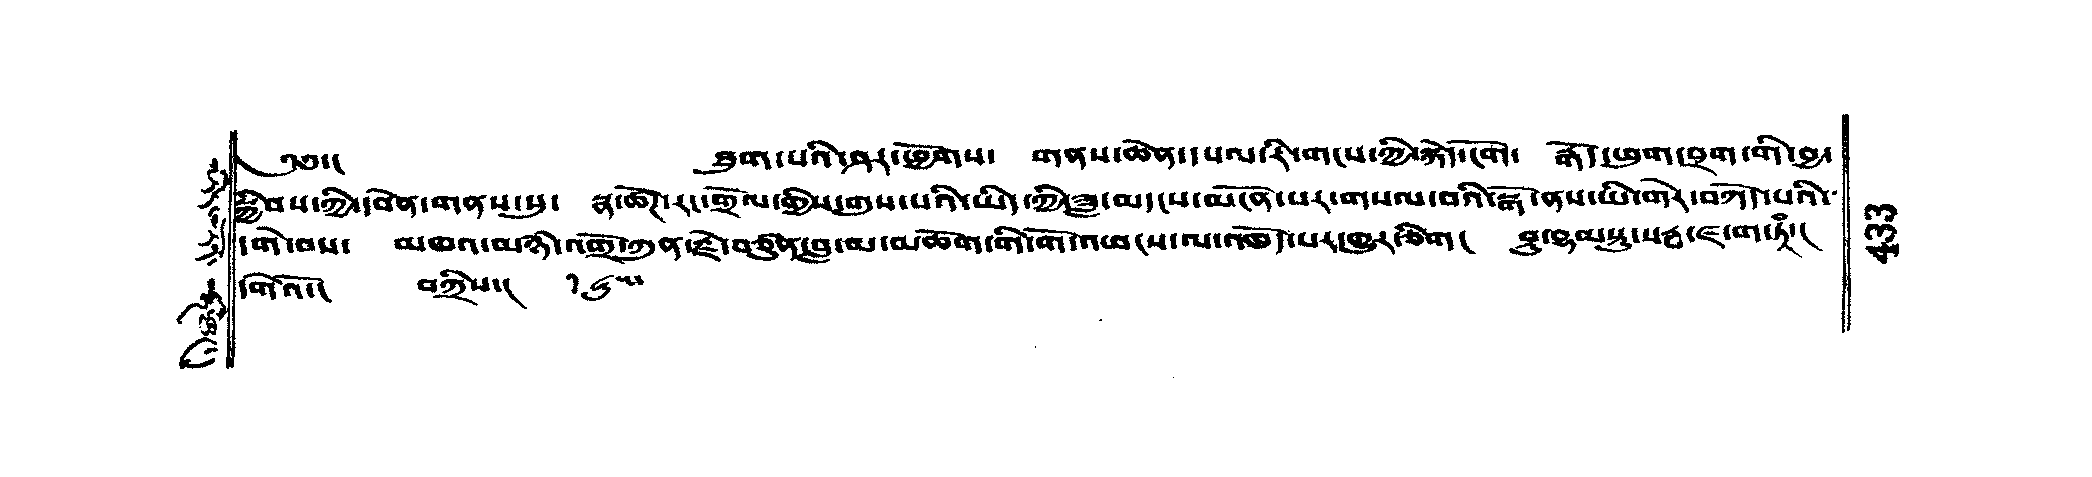ཐུག་པའི་ཤར་ཕྱོགས་གནས་ཆེན་དཔལ་རི་གངས་ཀྱི་སྐེད་ངོགས། རྒོད་ཕུག་བྲག་གི་བྱ་
སྐྱིབས་ཀྱི་དབེན་གནས་སུ། སྣ་ཚོགས་རང་གྲོལ་གྱི་གུས་པའི་ཡིད་ཀྱི་ཟླ་མདངས་མངོན་པར་གསལ་བའི་སྒོ་ནས་ཡི་གེར་བཀོད་པའི་
དགེ་བས། མཁའ་མཉམ་འགྲོ་ཀུན་རྗེ་བཙུན་བླ་མ་མཆོག་གི་གོ་འཕངས་ལ་འཁོད་པར་གྱུར་ཅིག། ཤུ་བྷམསྟུ་སརྦ་ཛ་ག་ཏཾ།། དགེའོ།།